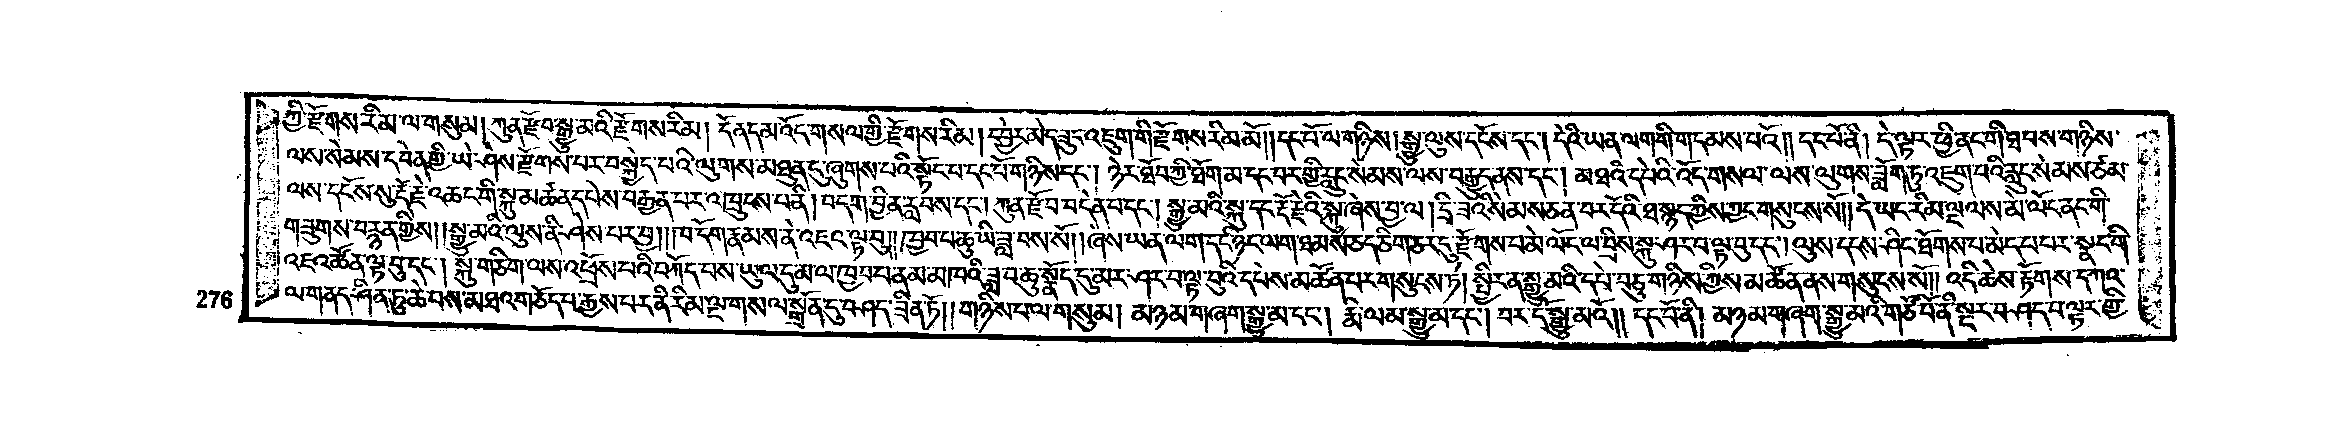ཀྱི་རྫོགས་རིམ་ལ་གསུམ། ཀུན་རྫོབ་སྒྱུ་མའི་རྫོགས་རིམ། དོན་དམ་འོད་གསལ་གྱི་རྫོགས་རིམ། དབྱེར་མེད་ཟུང་འཇུག་གི་རྫོགས་རིམ་མོ། །དང་པོ་ལ་གཉིས། སྒྱུ་ལུས་དངོས་དང་། དེའི་ཡན་ལག་གི་གདམས་པའོ། །དང་པོ་ནི། དེ་ལྟར་ཕྱི་ནང་གི་ཐབས་གཉིས་
ལས་སེམས་དབེན་གྱི་ཡེ་ཤེས་རྫོགས་པར་བསྐྱེད་པའི་ལུགས་མཐུན་དུ་ཞུགས་པའི་སྟོང་པ་དང་པོ་གཉིས་དང་། ཉེར་ཐོབ་ཀྱི་ཐོག་མ་དང་བར་གྱི་རླུང་སེམས་ལས་བརྒྱུད་ནས་དང་། མཐའི་དཔེའི་འོད་གསལ་ལས་ལུགས་ཟློག་ཏུ་འཇུག་པའི་རླུང་སེམས་ཙམ་
ལས་དངོས་སུ་རྡོ་རྗེ་འཆང་གི་སྐུ་མཚན་དཔེས་བརྒྱན་པར་འཁྲུངས་པ་ནི། བདག་བྱིན་རླབས་དང་། ཀུན་རྫོབ་བདེན་པ་དང་། སྒྱུ་མའི་སྐུ་དང་རྡོ་རྗེའི་སྐུ་ཞེས་བྱ་ལ། དྲི་ཟའི་སེམས་ཅན་བར་དོའི་ཐ་སྙད་ཀྱིས་ཀྱང་གསུངས་སོ། །དེ་ཡང་རིམ་ལྔ་ལས་མེ་ལོང་ནང་གི་
གཟུགས་བརྙན་གྱིས། །སྒྱུ་མའི་ལུས་ནི་ཤེས་པར་བྱ། །ཁ་དོག་རྣམས་ནི་འཇའ་ལྟ་བུ། །ཁྱབ་པ་ཆུ་ཡི་ཟླ་བས་སོ། །ཞེས་ཡན་ལག་དང་ཉིང་ལག་ཐམས་ཅད་ཅིག་ཅར་དུ་རྫོགས་པ་མེ་ལོང་ལ་བྲིས་སྐུ་ཤར་བ་ལྟ་བུ་དང་། ལུས་དངས་ཤིང་ཐོགས་པ་མེད་པ་བར་སྣང་གི་
འཇའ་ཚོན་ལྟ་བུ་དང་། སྐུ་གཅིག་ལས་འཕྲོས་པའི་བཀོད་པས་ཡུལ་དུ་མ་ལ་ཁྱབ་པ་ནམ་མཁའི་ཟླ་བ་ཆུ་སྣོད་དུ་མར་ཤར་བ་ལྟ་བུའི་དཔེས་མཚོན་པར་གསུངས་ཏེ། སྤྱིར་ན་སྒྱུ་མའི་དཔེ་བཅུ་གཉིས་ཀྱིས་མཚོན་ནས་གསུངས་སོ། །འདི་ཆེས་རྟོགས་དཀའ་
ལ་གནད་ཤིན་ཏུ་ཆེ་བས་མཐའ་གཅོད་པ་རྒྱས་པར་ནི་རིམ་ལྔ་གསལ་སྒྲོན་དུ་བཤད་ཟིན་ཏོ། །གཉིས་པ་ལ་གསུམ། མཉམ་གཞག་སྒྱུ་མ་དང་། རྨི་ལམ་སྒྱུ་མ་དང་། བར་དོ་སྒྱུ་མའོ། །དང་པོ་ནི། མཉམ་གཞག་སྒྱུ་མའི་གཙོ་བོ་ནི་སྔར་བཤད་པ་ལྟར་གྱི་